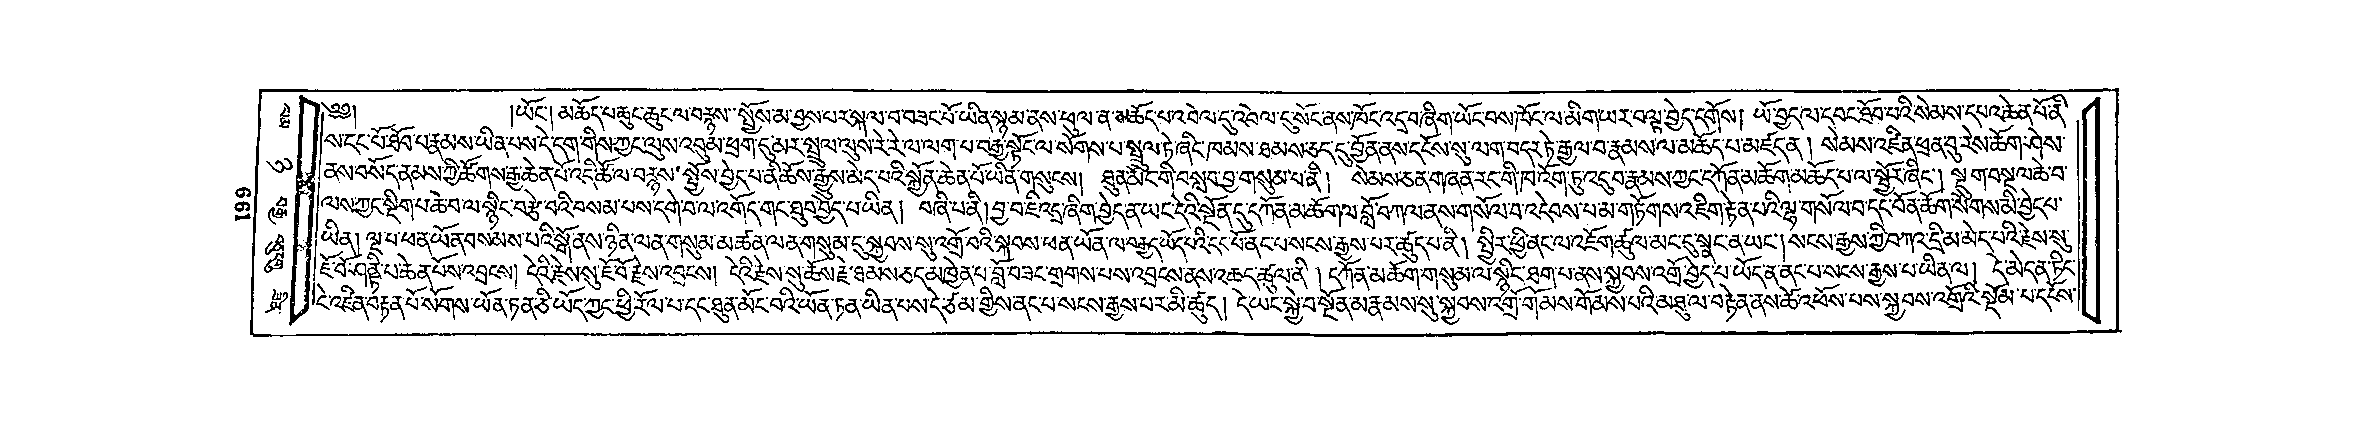༄༅། །ཡོང་། མཆོད་པ་ཆུང་ཆུང་ལ་བརྙས་སྤྱོས་མ་བྱས་པར་སྐལ་བ་བཟང་པོ་ཡིན་སྙམ་ནས་ཕུལ་ན་མཆོད་པ་འབེལ་དུ་འབེལ་དུ་སོང་ནས་ཁོང་འདྲ་བ་ཞིག་ཡོང་བས་ཁོང་ལ་མིག་ཡར་བལྟ་བྱེད་དགོས། ཡོ་བྱད་ལ་དབང་ཐོབ་པའི་སེམས་དཔའ་ཆེན་པོ་ནི་
ས་དང་པོ་ཐོབ་པ་རྣམས་ཡིན་པས་དེ་དག་གིས་ཀྱང་ལུས་འབུམ་ཕྲག་དུ་མར་སྤྲུལ་ལུས་རེ་རེ་ལ་ལག་པ་བརྒྱ་སྟོང་ལ་སོགས་པ་སྤྲུལ་ཏེ་ཞིང་ཁམས་ཐམས་ཅད་དུ་བྱོན་ནས་དངོས་སུ་ལག་བདར་ཏེ་རྒྱལ་བ་རྣམས་ལ་མཆོད་པ་མཛད་ན། སེམས་འཛིན་ཕྲན་བུ་རེས་ཆོག་ཤེས་
ནས་བསོད་ནམས་ཀྱི་ཚོགས་རྒྱ་ཆེན་པོ་འདི་ཚོ་ལ་བརྙས་སྤྱོས་བྱེད་པ་ནི་ཆོས་རྒྱུས་མེད་པའི་སྐྱོན་ཆེན་པོ་ཡིན་གསུངས། ཐུན་མོང་གི་བསླབ་བྱ་གསུམ་པ་ནི། སེམས་ཅན་གཞན་རང་གི་ཁ་འོག་ཏུ་འདུ་བ་རྣམས་ཀྱང་དཀོན་མཆོག་མཆོད་པ་ལ་སྦྱོར་ཞིང་། སྡུག་བསྔལ་ཆེ་བ་
ལས་ཀྱང་སྡིག་པ་ཆེ་བ་ལ་སྙིང་བརྩེ་བའི་བསམ་པས་དགེ་བ་ལ་འགོད་གང་ཐུབ་བྱེད་པ་ཡིན། བཞི་པ་ནི། བྱ་བ་ཇི་འདྲ་ཞིག་བྱེད་ན་ཡང་དེའི་སྔོན་དུ་དཀོན་མཆོག་ལ་བློ་བཀལ་ནས་གསོལ་བ་འདེབས་པ་མ་གཏོགས་འཇིག་རྟེན་པའི་ལྷ་གསོལ་བ་དང་བོན་ཆོག་སོགས་མི་བྱེད་པ་
ཡིན། ལྔ་པ་ཕན་ཡོན་བསམས་པའི་སྒོ་ནས་ཉིན་ལན་གསུམ་མཚན་ལན་གསུམ་དུ་སྐྱབས་སུ་འགྲོ་བའི་སྐབས་ཕན་ཡོན་ལ་བརྒྱད་ཡོད་པའི་དང་པོ་ནང་པ་སངས་རྒྱས་པར་ཚུད་པ་ནི། སྤྱིར་ཕྱི་ནང་ལ་འཇོག་ཚུལ་མང་དུ་སྣང་ན་ཡང་། སངས་རྒྱས་ཀྱི་བཀའ་དྲི་མ་མེད་པའི་རྗེས་སུ་
ཇོ་བོ་ཤནྟི་པ་ཆེན་པོས་འབྲངས། དེའི་རྗེས་སུ་ཇོ་བོ་རྗེས་འབྲངས། དེའི་རྗེས་སུ་ཆོས་རྗེ་ཐམས་ཅད་མཁྱེན་པ་བློ་བཟང་གྲགས་པས་འབྲངས་ནས་འཆད་ཚུལ་ནི། དཀོན་མཆོག་གསུམ་ལ་སྙིང་ཐག་པ་ནས་སྐྱབས་འགྲོ་བྱེད་པ་ཡོད་ན་ནང་པ་སངས་རྒྱས་པ་ཡིན་ལ། དེ་མེད་ན་ཏིང་
ངེ་འཛིན་བརྟན་པོ་སོགས་ཡོན་ཏན་ཅི་ཡོད་ཀྱང་ཕྱི་རོལ་པ་དང་ཐུན་མོང་བའི་ཡོན་ཏན་ཡིན་པས་དེ་ཙམ་གྱིས་ནང་པ་སངས་རྒྱས་པར་མི་ཚུད། དེ་ཡང་སྐྱེ་བ་སྔོན་མ་རྣམས་སུ་སྐྱབས་འགྲོ་གོམས་གོམས་པའི་མཐུ་ལ་བརྟེན་ནས་ཚེ་འཕོས་པས་སྐྱབས་འགྲོའི་སྡོམ་པ་དངོས་